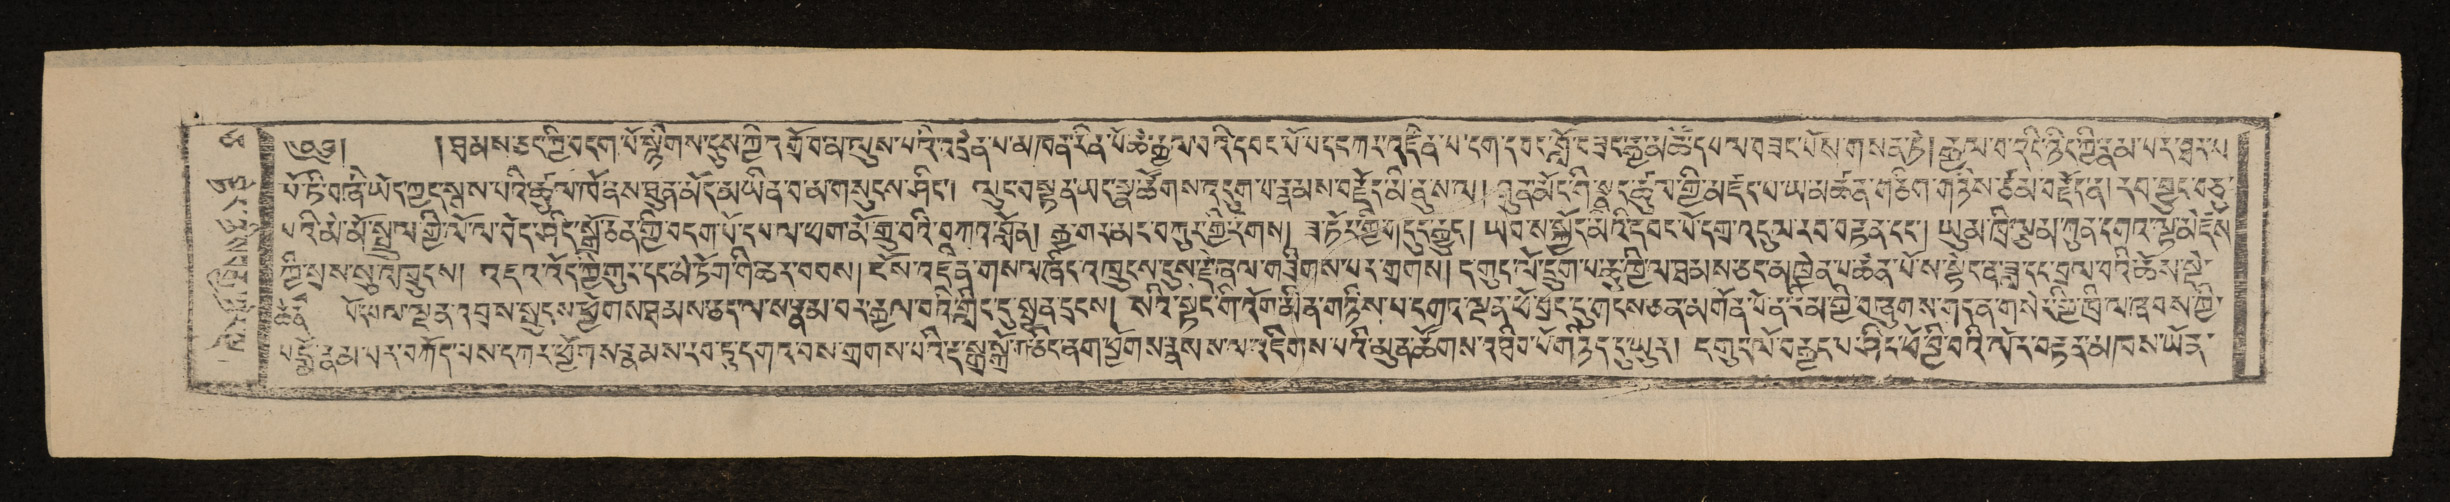༄༅། །ཐམས་ཅད་ཀྱི་བདག་པོ་སྙིགས་དུས་ཀྱི་འགྲོ་བ་མ་ལུས་པའི་འདྲེན་པ་མཁན་རིན་པོ་ཆེ་རྒྱལ་བའི་དབང་པོ་པད་དཀར་འཛིན་པ་ངག་དབང་བློ་བཟང་རྒྱ་མཚོ་དཔལ་བཟང་པོས་གསན་ཏེ། རྒྱལ་བ་འདི་ཉིད་ཀྱི་རྣམ་པར་ཐར་པ་
པོ་ཏི་བཞི་ཡོད་ཀྱང་སྤས་པའི་ཚུལ་ཁོ་ནས་ཐུན་མོང་མ་ཡིན་པ་མ་གསུངས་ཤིང་། ལུང་བསྟན་ཡང་སྣ་ཚོགས་འདུག་པ་རྣམས་བརྗོད་མི་ནུས་ལ། ཐུན་མོང་གི་སྣང་ཚུལ་གྱི་མཛད་པ་ཡ་མཚན་གཅིག་གཉིས་ཙམ་བརྗོད་ན། རབ་བྱུང་བཅུ་
བའི་མེ་མོ་སྦྲུལ་གྱི་ལོ་ལ་བོད་ཤིང་སྒོ་ཅན་གྱི་བདག་པོ་དཔལ་ཕག་མོ་གྲུ་བའི་བཀའ་བློན། རྒྱ་གར་མང་བཀུར་གྱི་རིགས། ཟ་ཧོར་གྱི་གདུང་རྒྱུད། ཡབ་ས་སྐྱོང་མིའི་དབང་པོ་དགྲ་འདུལ་རབ་བརྟན་དང་། ཡུམ་ཁྲི་ལྕམ་ཀུན་དགའ་ལྷ་མཛེས་
ཀྱི་སྲས་སུ་འཁྲུངས། འཇའ་འོད་ཀྱི་གུར་དང་མེ་ཏོག་གི་ཆར་བབས། ངོས་འཛིན་གསལ་ཞིང་འཁྲུངས་དུས་རྗེ་ཞལ་གཟིགས་པར་གྲགས། དགུང་ལོ་དྲུག་པ་ཆུ་ཁྱིལ་ཐམས་ཅད་མཁྱེན་པ་ཆེན་པོས་སྟེང་ན་ཟླ་དང་བྲལ་བའི་ཆོས་སྡེ་
ཆེན་པོ་དཔལ་ལྡན་འབྲས་སྤུངས་ཕྱོགས་ཐམས་ཅད་ལས་རྣམ་པར་རྒྱལ་བའི་གླིང་དུ་སྤྱན་དྲངས། སའི་སྟེང་གི་འོག་མིན་གཉིས་པ་དགའ་ལྡན་ཕོ་བྲང་དུ་གངས་ཅན་མགོན་པོ་ན་རིམ་གྱི་བཞུགས་གདན་གསེར་གྱི་ཁྲི་ལ་ཞབས་ཀྱི་
པདམོ་རྣམ་པར་བཀོད་པས་དཀར་ཕྱོགས་རྣམས་རབ་ཏུ་དགའ་བས་གྲགས་པའི་རྔ་སྒྲ་སྒྲོག་ཅིང་ནག་ཕྱོགས་རྣམས་ལ་འཇིགས་པའི་མུན་ཚོགས་འཐིབ་པོ་གཉིད་དུ་ཡུར། དགུང་ལོ་བརྒྱད་པ་ཤིང་ཕོ་བྱི་བའི་ལོར་བརྟན་མཁས་ཡོན་